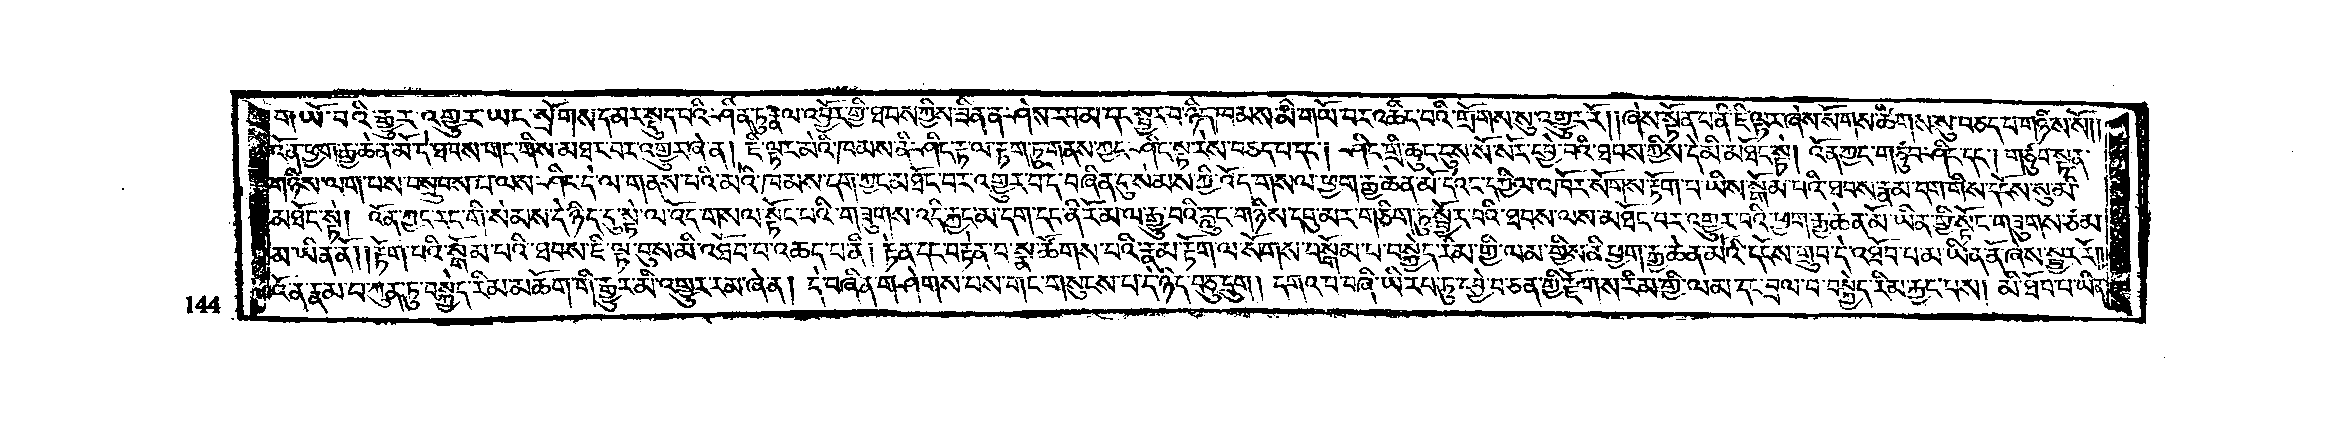གཡོ་བའི་རྒྱུར་འགྱུར་ཡང་སྲོགས་དམར་སྡུད་པའི་ཤིན་ཏུ་རྣལ་འབྱོར་གྱི་ཐབས་ཀྱིས་ཟིན་ན་ཤེས་རབ་མ་དང་སྦྱར་བ་ཉིད་ཁམས་མི་གཡོ་བར་འཆིང་བའི་གྲོགས་སུ་འགྱུར་རོ། །ཞེས་སྟོན་པ་ནི་ཇི་ལྟར་ཞེས་སོགས་ཚིགས་སུ་བཅད་པ་གཉིས་སོ།།
འོ་ན་ཕྱག་རྒྱ་ཆེན་མོ་དེ་ཐབས་གང་གིས་མཐར་བར་འགྱུར་ཞེ་ན། ཇི་ལྟར་མེའི་ཁམས་ནི་ཤིང་རྟ་ལ་རྟག་ཏུ་གནས་ཀྱང་ཤིང་སྟ་རེས་བཅད་པ་དང་། ཤིང་གྲི་ཆུང་དུས་སོ་སོར་དབྱེ་བའི་ཐབས་ཀྱིས་དེ་མི་མཐོང་སྟེ། འོན་ཀྱང་གཙུབ་ཤིང་དང་། གཙུབ་སྟན་
གཉིས་ལག་པས་བསྲུབས་པ་ལས་ཤིང་དེ་ལ་གནས་པའི་མེའི་ཁམས་དག་ཀྱང་མཐོང་བར་འགྱུར་བ་དེ་བཞིན་དུ་སེམས་ཀྱི་འོད་གསལ་ཕྱག་རྒྱ་ཆེན་མོ་དེའང་དཀྱིལ་འཁོར་སོགས་རྟོག་པ་ཡིས་སྒོམ་པའི་ཐབས་རྣམ་དག་གིས་དངོས་སུ་མི་
མཐོང་སྟེ། འོན་ཀྱང་རང་གི་སེམས་དེ་ཉིད་དུ་སྟེ་ལ་འོད་གསལ་སྟོང་པའི་གཟུགས་འདི་རྐྱང་མ་དག་དང་ནི་རོ་མ་ལ་རྒྱུ་བའི་རླུང་གཉིས་དབུ་མར་གཅིག་ཏུ་སྦྱོར་བའི་ཐབས་ལས་མཐོང་བར་འགྱུར་བའི་ཕྱག་རྒྱ་ཆེན་མོ་ཡིན་གྱི་སྟོང་གཟུགས་ཙམ་
མ་ཡིན་ནོ། །རྟོག་པའི་སྒོམ་པའི་ཐབས་ཇི་ལྟ་བུས་མི་འཐོབ་པ་འཆད་པ་ནི། རྟེན་དང་བརྟེན་པ་སྣ་ཚོགས་པའི་རྣམ་རྟོག་ལ་སོགས་པའི་བསྒོམ་པ་བསྐྱེད་རིམ་གྱི་ལམ་གྱིས་ནི་ཕྱག་རྒྱ་ཆེན་མོའི་དངོས་གྲུབ་དེ་འཐོབ་པ་མ་ཡིན་ནོ་ཞེས་སྦྱར་རོ།།
འོ་ན་རྣམ་པ་ཀུན་ཏུ་བསྐྱེད་རིམ་མཆོག་གི་རྒྱུར་མི་འགྱུར་རམ་ཞེ་ན། དེ་བཞིན་གཤེགས་པས་གང་གསུངས་པ་དེ་ཉིད་བཅུ་དྲུག །དགའ་བ་བཞི་ཡི་རབ་ཏུ་དབྱེ་བ་ཅན་གྱི་རྫོགས་རིམ་གྱི་ལམ་དང་བྲལ་བ་བསྐྱེད་རིམ་རྐྱང་པས། མི་ཐོབ་པ་ཡིན་